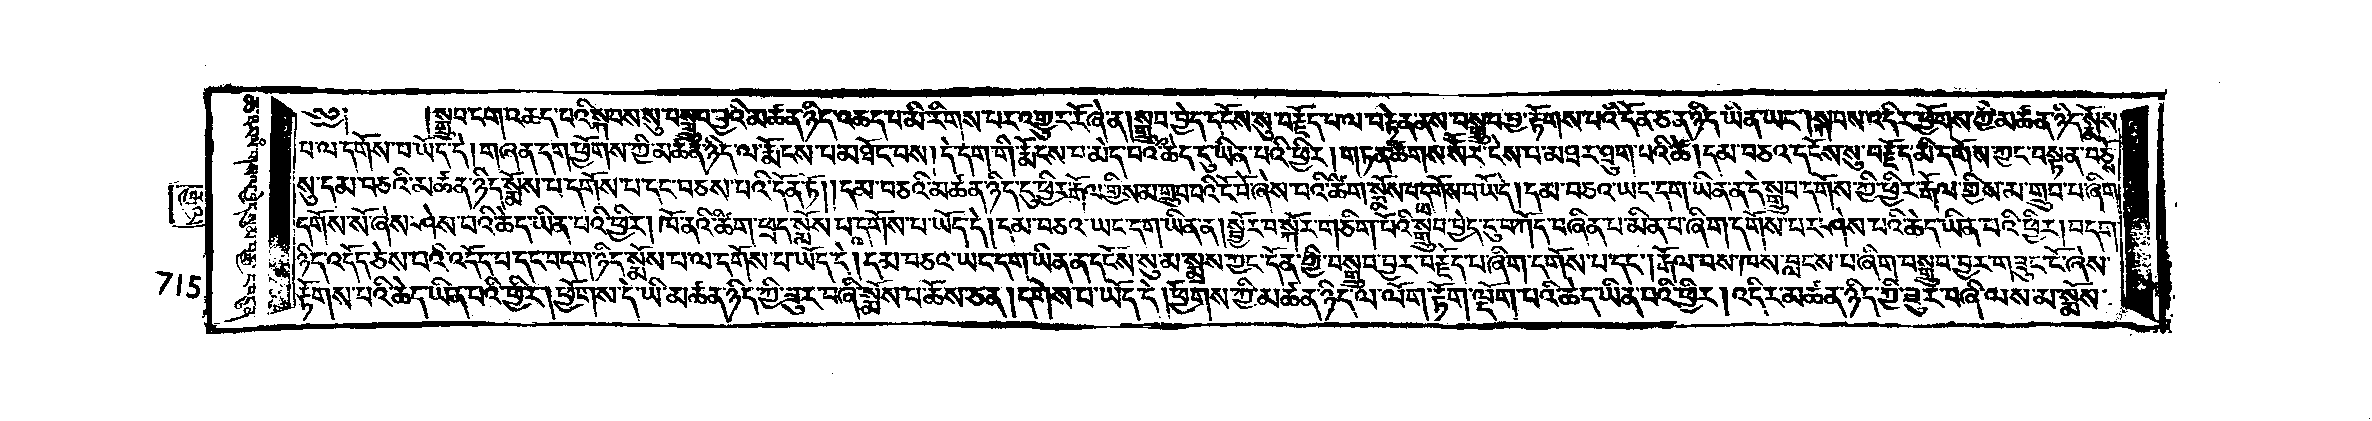༄༅། །སྒྲུབ་ངག་འཆད་པའི་སྐབས་སུ་བསྒྲུབ་བྱའི་མཚན་ཉིད་འཆད་པ་མི་རིགས་པར་འགྱུར་རོ་ཞེ་ན། སྒྲུབ་བྱེད་དངོས་སུ་བརྗོད་པ་ལ་བརྟེན་ནས་བསྒྲུབ་བྱ་རྟོགས་པའི་དོན་ཅན་ཉིད་ཡིན་ཡང་། སྐབས་འདིར་ཕྱོགས་ཀྱི་མཚན་ཉིད་སྨོས་
པ་ལ་དགོས་པ་ཡོད་དེ། གཞན་དག་ཕྱོགས་ཀྱི་མཚན་ཉིད་ལ་རྨོངས་པ་མཐོང་བས། དེ་དག་གི་རྨོངས་པ་མེད་པའི་ཆེད་དུ་ཡིན་པའི་ཕྱིར། གཏན་ཚིགས་སོ་སོར་ངེས་པ་མཐར་ཐུག་པའི་ཚེ། དམ་བཅའ་དངོས་སུ་བརྗོད་མི་དགོས་ཀྱང་བསྟན་བཅོས་
སུ་དམ་བཅའི་མཚན་ཉིད་སྨོས་པ་དགོས་པ་དང་བཅས་པའི་དོན་ཏོ། །དམ་བཅའི་མཚན་ཉིད་དུ་ཕྱིར་རྒོལ་གྱིས་མ་གྲུབ་པའི་ངོ་བོ་ཞེས་པའི་ཚིག་སྨོས་པ་ལ་དགོས་པ་ཡོད་དེ། དམ་བཅའ་ཡང་དག་ཡིན་ན་དེ་སྒྲུབ་དགོས་ཀྱི་ཕྱིར་རྒོལ་གྱིས་མ་གྲུབ་པ་ཞིག་
དགོས་སོ་ཞེས་ཤེས་བའི་ཆེད་ཡིན་པའི་ཕྱིར། ཁོ་ནའི་ཚིག་ཕྲད་སྨོས་པ་ལ་དགོས་པ་ཡོད་དེ། དམ་བཅའ་ཡང་དག་ཡིན་ན། སྦྱོར་བསྐོར་གཅིག་པོའི་སྒྲུབ་བྱེད་དུ་བཀོད་བཞིན་པ་མིན་པ་ཞིག་དགོས་པར་ཤེས་པའི་ཆེད་ཡིན་པའི་ཕྱིར། བདག་
ཉིད་འདོད་ཅེས་པའི་འདོད་པ་དང་བདག་ཉིད་སྨོས་པ་ལ་དགོས་པ་ཡོད་དེ། དམ་བཅའ་ཡང་དག་ཡིན་ན་དངོས་སུ་མ་སྨྲས་ཀྱང་དོན་གྱི་བསྒྲུབ་བྱར་བརྗོད་པ་ཞིག་དགོས་པ་དང་། རྒོལ་བས་ཁས་བླངས་པ་ཞིག་བསྒྲུབ་བྱར་བཟུང་ངོ་ཞེས་
རྟོགས་པའི་ཆེད་ཡིན་པའི་ཕྱིར། ཕྱོགས་དེ་ཡི་མཚན་ཉིད་ཀྱི་ཟུར་བཞི་སྨོས་པ་ཆོས་ཅན། དགེས་པ་ཡོད་དེ། ཕྱོགས་ཀྱི་མཚན་ཉིད་ལ་ལོག་རྟོག་ལྡོག་པའི་ཆེད་ཡིན་པའི་ཕྱིར། འདིར་མཚན་ཉིད་ཀྱི་ཟུར་བཞི་ལས་མ་སྨོས་